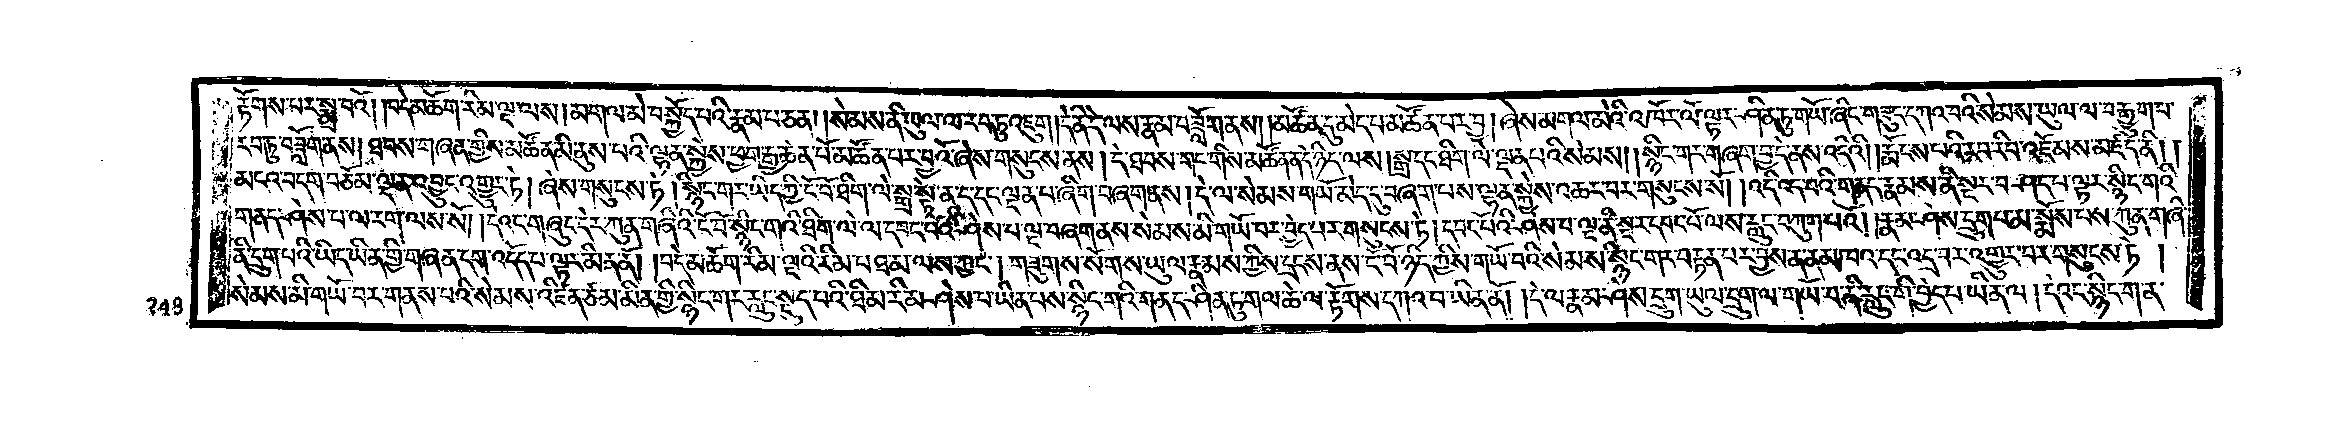རྟོགས་པར་སྨྲ་བའོ། །བདེ་མཆོག་རིམ་ལྔ་ལས། མགལ་མེ་བསྐྱོད་པའི་རྣམ་པ་ཅན། །སེམས་ནི་ཡུལ་ལ་རབ་ཏུ་འཇུག །དེ་ནི་དེ་ལས་རྣམ་བཟློག་ནས། མཚོན་དུ་མེད་པ་མཚོན་པར་བྱ། ཞེས་མགལ་མེའི་འཁོར་ལོ་ལྟར་ཤིན་ཏུ་གཡོ་ཞིང་གཟུང་དཀའ་བའི་སེམས་ཡུལ་ལ་བརྒྱུག་པ་
རབ་ཏུ་བཟློག་ནས། ཐབས་གཞན་གྱིས་མཚོན་མི་ནུས་པའི་ལྷན་སྐྱེས་ཕྱག་རྒྱ་ཆེན་པོ་མཚོན་པར་བྱའོ་ཞེས་གསུངས་ནས། དེ་ཐབས་གང་གིས་མཚོན་ན་དེ་ཉིད་ལས། སྒྲ་དང་ཐིག་ལེ་ལྡན་པའི་སེམས། །སྙིང་གར་གཞག་བྱ་དེ་ནས་འདིའི། །རྨོངས་པའི་རབ་རིབ་འཇོམས་མཛད་ནི།།
མངའ་བདག་བཅོམ་ལྡན་འབྱུང་འགྱུར་ཏེ། ཞེས་གསུངས་ཏེ། སྙིང་གར་ཡིད་ཀྱི་ངོ་བོ་ཐིག་ལེ་སྒྲ་སྟེ་ནཱ་ད་དང་ལྡན་པ་ཞིག་བཞག་ནས། དེ་ལ་སེམས་གཡོ་མེད་དུ་བཞག་པས་ལྷན་སྐྱེས་འཆར་བར་གསུངས་སོ། །འདི་འདྲ་བའི་གནད་རྣམས་ནི་སྔར་བཤད་པ་ལྟར་སྙིང་གའི་
གནད་ཤེས་པ་ལ་རག་ལས་སོ། །དེའང་གཞུང་དེར་ཀུན་གཞིའི་ངོ་བོ་སྙིང་གའི་ཐིག་ལེ་ལ་དབང་པོའི་ཤེས་པ་ལྔ་བཞག་ནས་སེམས་མི་གཡོ་བར་བྱེད་པར་གསུངས་ཏེ། དབང་པོའི་ཤེས་པ་ལྔ་ནི་སྔར་དབང་པོ་ལས་རླུང་བཀུག་པའོ། །རྣམ་ཤེས་དྲུག་པ་མ་སྨོས་པས་ཀུན་གཞི་
ནི་དྲུག་པའི་ཡིད་ཡིན་གྱི་གཞན་དག་འདོད་པ་ལྟར་མིན་ནོ། །བདེ་མཆོག་རིམ་ལྔའི་རིམ་པ་ཐ་མ་ལས་ཀྱང་། གཟུགས་སོགས་ཡུལ་རྣམས་ཀྱིས་དྲངས་ནས་ངོ་བོ་ཉིད་ཀྱིས་གཡོ་བའི་སེམས་སྙིང་གར་བརྟན་པར་བྱས་ན་ནམ་མཁའ་དང་འདྲ་བར་འགྱུར་བར་གསུངས་ཏེ།
སེམས་མི་གཡོ་བར་གནས་པའི་སེམས་འཛིན་ཙམ་མིན་གྱི་སྙིང་གར་རླུང་སྡུད་པའི་ཐིམ་རིམ་ཤེས་པ་ཡིན་པས་སྙིང་གའི་གནད་ཤིན་ཏུ་གལ་ཆེ་ལ་རྟོགས་དཀའ་བ་ཡིན་ནོ། །དེ་ལ་རྣམ་ཤེས་དྲུག་ཡུལ་དྲུག་ལ་གཡོ་བ་ནི་རླུང་གི་བྱེད་པ་ཡིན་ལ། དེའང་སྙིང་ག་ན་